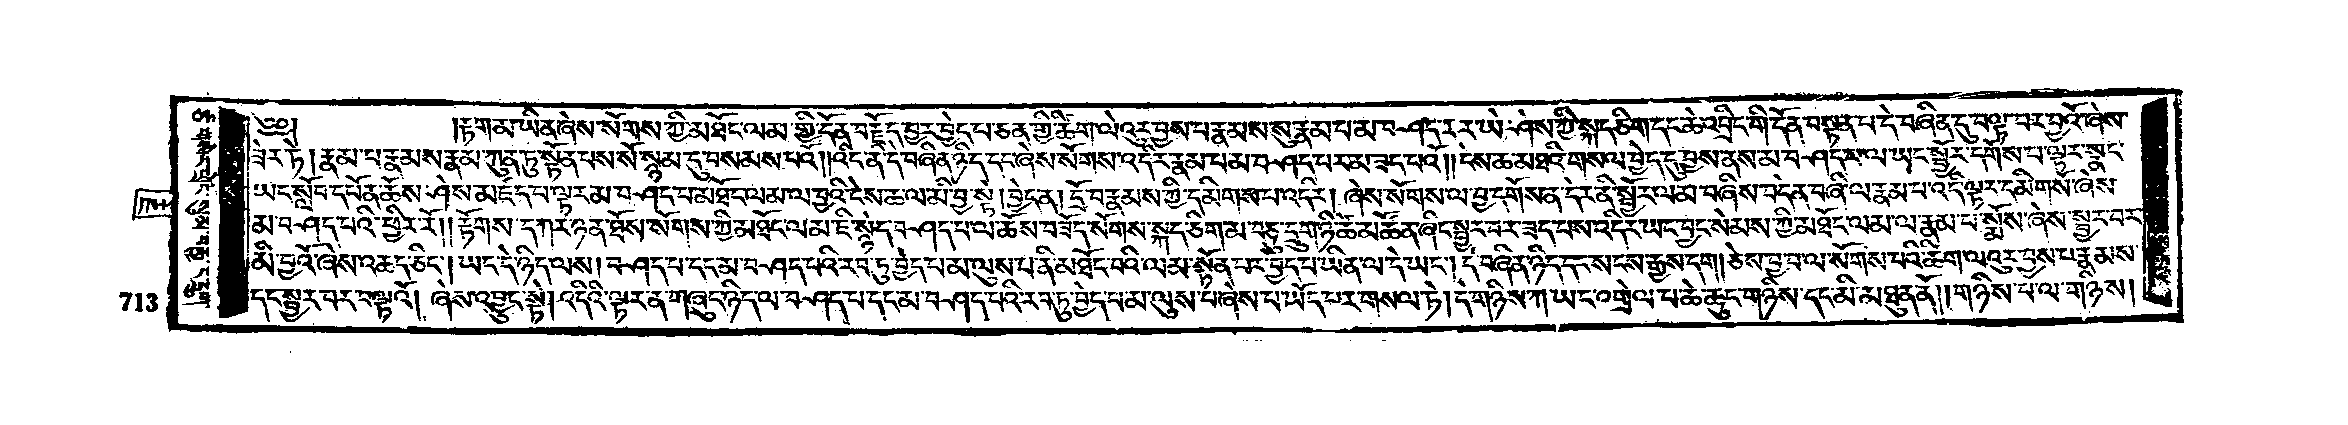༄༅། །རྟག་མ་ཡིན་ཞེས་སོགས་ཀྱི་མཐོང་ལམ་གྱི་དོན་བརྗོད་བྱར་བྱེད་པ་ཅན་གྱི་ཚིག་ལེའུར་བྱས་པ་རྣམས་སུ་རྣམ་པ་མ་བཤད་པར་ཡེ་ཤེས་ཀྱི་སྐད་ཅིག་དང་ཆེ་འབྲིང་གི་དོན་བསྟན་པ་དེ་བཞིན་དུ་བལྟ་བར་བྱའོ་ཞེས་
ཟེར་ཏེ། རྣམ་པ་རྣམས་རྣམ་ཀུན་ཏུ་སྟོན་པས་སོ་སྙམ་དུ་བསམས་པའོ། །འང་ནི་དེ་བཞིན་ཉིད་དང་ཞེས་སོགས་འདིར་རྣམ་པ་མ་བཤད་པར་མ་ཟད་པའོ། །ངེས་ཆ་མཐའི་གསལ་བྱེད་དུ་བྱས་ནས་མ་བཤད་པ་ལ་ཡང་སྦྱོར་དགོས་པ་ལྟར་སྣང་
ཡང་སློབ་དཔོན་ཆོས་ཤེས་མཛད་པ་ལྟར་མ་བཤད་པ་མཐོང་ལམ་ལ་བྱའི་ངེས་ཆ་ལ་མི་བྱ་སྟེ། བྱེད་ན། དྲོ་བ་རྣམས་ཀྱི་དམིགས་པ་འདིར། ཞེས་སོགས་ལ་བྱ་དགོས་ན་དེར་ནི་སྦྱོར་ལམ་བཞིས་བདེན་བཞི་ལ་རྣམ་པ་འདི་ལྟར་དམིགས་སོ་ཞེས་
མ་བཤད་པའི་ཕྱིར་རོ། །རྟོགས་དཀར་ཉན་ཐོས་སོགས་ཀྱི་མཐོང་ལམ་ཇི་སྙེད་བཤད་པ་ལ་ཆོས་བཟོད་སོགས་སྐད་ཅིག་མ་བཅུ་དྲུག་ཉི་ཚེ་མཚོན་ཞིང་སྦྱར་བར་ཟད་པས་འདིར་ཡང་བྱང་སེམས་ཀྱི་མཐོང་ལམ་ལ་རྣམ་པ་སྨོས་ཞེས་སྦྱར་བར་
མི་བྱའོ་ཞེས་འཆད་ཅིང་། ཡང་དེ་ཉིད་ལས། བཤད་པ་དང་མ་བཤད་པའི་རབ་ཏུ་བྱེད་པ་མ་ལུས་པ་ནི་མཐོང་བའི་ལམ་སྟོན་པར་བྱེད་པ་ཡིན་ལ་དེ་ཡང་། དེ་བཞིན་ཉིད་དང་སངས་རྒྱས་དག །ཅེས་བྱ་བ་ལ་སོགས་པའི་ཚིག་ལེའུར་བྱས་པ་རྣམས་
དང་སྦྱར་བར་བལྟའོ། ཞེས་འབྱུང་སྟེ། འདིའི་ལྟར་ན་གཞུང་ཉིད་ལ་བཤད་པ་དང་མ་བཤད་པའི་རབ་ཏུ་བྱེད་པ་མ་ལུས་པ་ཞེས་པ་ཡོད་པར་གསལ་ཏེ། དེ་གཉིས་ཀ་ཡང་འགྲེལ་པ་ཆེ་ཆུང་གཉིས་དང་མི་མཐུན་ནོ། །གཉིས་པ་ལ་གཉིས།